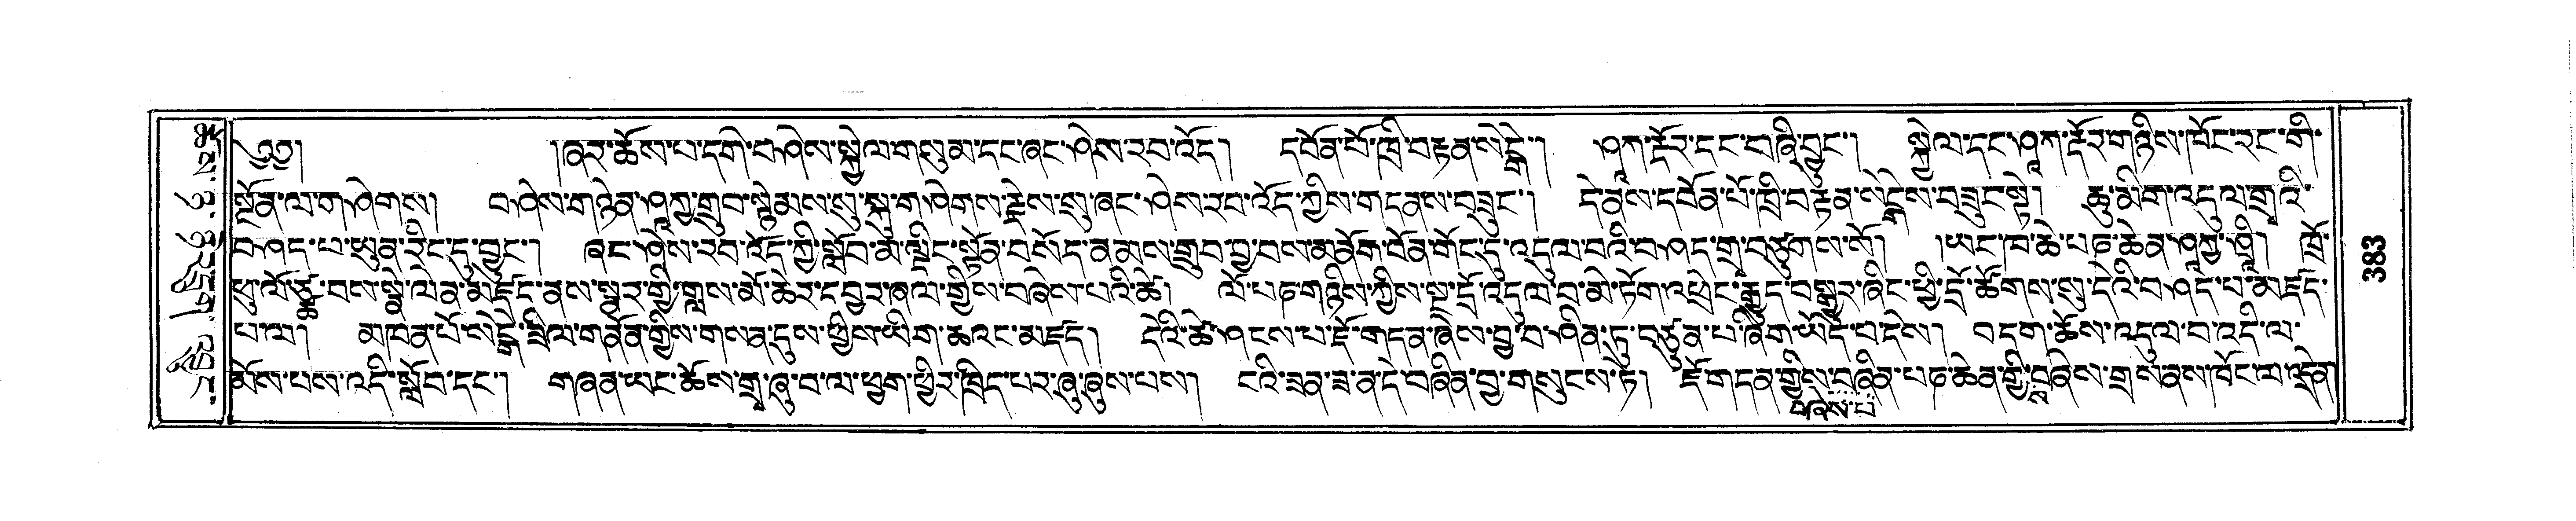༄༅། །ཞར་ཆོས་པ་དགེ་བཤེས་སྐྱེལ་གསུམ་དང་ཞང་ཤེས་རབ་འོད། དབོན་པོ་ཁྲི་བརྟན་སེངྒེ། ཤཱཀ་རྡོར་དང་བཞི་བྱུང་། སྐྱེལ་དང་ཤཱཀ་རྡོར་གཉིས་ཁོང་རང་གི་
སྔོན་ལ་གཤེགས། བཤེས་གཉེན་ཤཱཀྱ་གྲུབ་སྙེམས་སུ་སྐུ་གཤེགས་རྗེས་སུ་ཞང་ཤེས་རབ་འོད་ཀྱིས་གདན་ས་བཟུང་། དེ་ནས་དབོན་པོ་ཁྲི་བརྟན་སེངྒེས་བཟུང་སྟེ། ཆུ་མིག་འདུལ་གྲྭའི་
བཤད་པ་ཡུན་རིང་དུ་བྱུང་། ཞང་ཤེས་རབ་འོད་ཀྱི་སློབ་མ་ལྡིང་སྟོན་བསོད་ནམས་གྲུབ་བྱ་བས་མནོག་བོན་གོང་དུ་འདུལ་བའི་བཤད་གྲྭ་བཙུགས་སོ། །ཡང་ཁ་ཆེ་པཎ་ཆེན་ཤཱཀྱ་ཤྲཱི། ཁྲོ་
ཕུ་ལོ་ཙྪ་བས་སྣེ་ལེན་མཛད་ནས་སྣར་གྱི་གླས་མོ་ཆེར་དབྱར་ཞལ་གྱིས་བཞེས་པའི་ཚེ། ལོ་པཎ་གཉིས་ཀྱིས་སྔ་དྲོ་འདུལ་བ་མེ་ཏོག་འཕྲེང་རྒྱུད་བསྒྱུར་ཞིང་ཕྱི་དྲོ་ཚོགས་སུ་དེའི་བཤད་པ་མཛད་
པ་ལ། མཁན་པོ་སེངྒེ་ཟིལ་གནོན་གྱིས་གསན་དུས་ཕྱིས་ཡིག་ཆའང་མཛད། དེའི་ཚེ་ཤངས་པ་ཇོ་གདན་ཞེས་བྱ་བ་ཤིན་ཏུ་བཙུན་པ་ཞིག་ཡོད་པ་དེས། བདག་ཆོས་འདུལ་བ་འདི་ལ་
མོས་པས་འདི་སློབ་དང་། གཞན་ཡང་ཆོས་གྲྭ་ཞུ་བ་ལ་ཕྱག་ཕྱིར་ཁྲིད་པར་ཞུ་ཞུས་པས། ངའི་ཟན་ཟ་ན་དེ་བཞིན་བྱ་གསུངས་ཏེ། ཇོ་གདན་གྱིས་བཞེས་པ་བཞིན་པཎ་ཆེན་གྱིས་བཞེས་གྲས་ནས་ཁོང་ལ་འདྲེན་